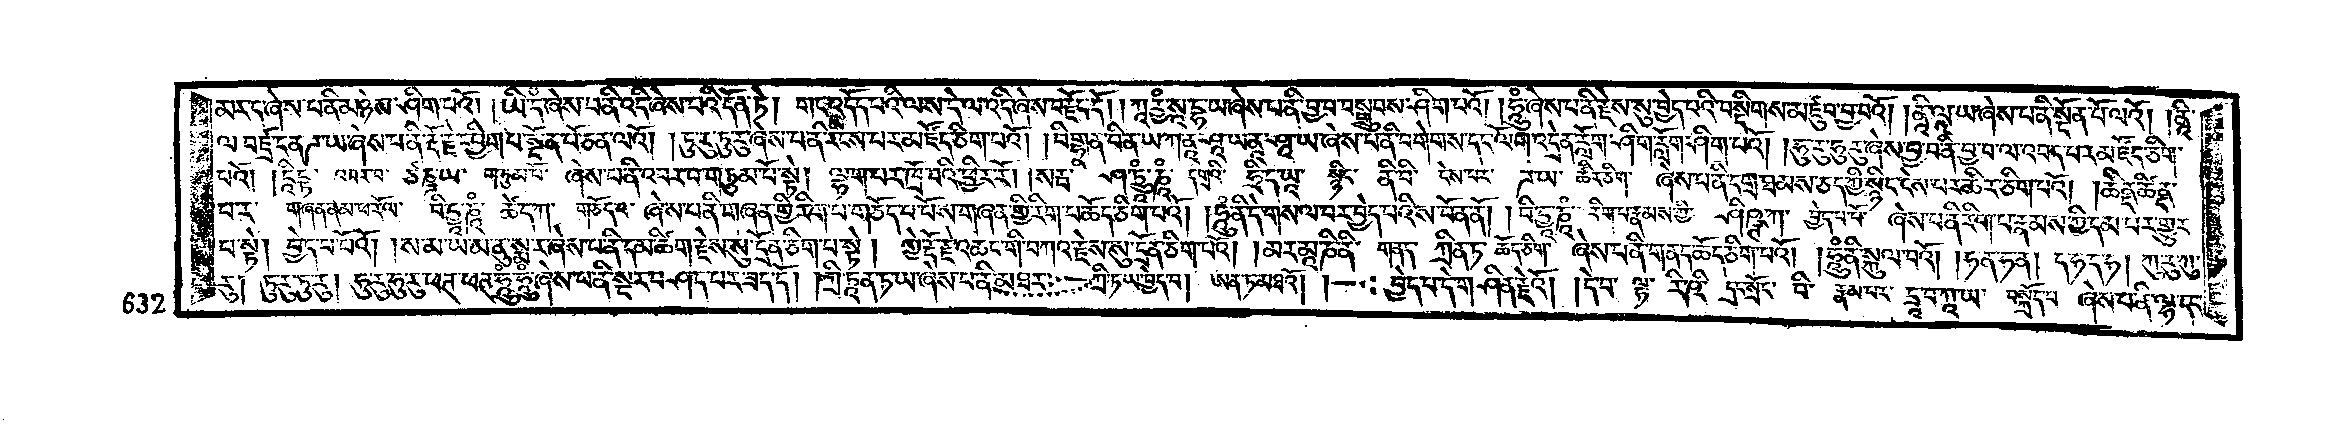མར་ད་ཞེས་པ་ནི་མཉེས་ཤིག་པའོ། །ཨི་དཾ་ཞེས་པ་ནི་འདི་ཞེས་པའི་དོན་ཏེ། གང་འདོད་པའི་ལས་དེ་ལ་འདི་ཞེས་བརྗོད་དོ། །ཀཱ་རྱཾ་སཱ་དྷ་ཡ་ཞེས་པ་ནི་བྱ་བ་བསྒྲུབས་ཤིག་པའོ། །ཧཱུཾ་ཞེས་པ་ནི་རྗེས་སུ་བྱེད་པའི་བསྡིགས་མཛུབ་བྱ་བའོ། །ནཱི་ལཱ་ཡ་ཞེས་པ་ནི་སྔོན་པོ་ལའོ། །ནཱི་
ལ་བཛྲ་དན་ཌ་ཡ་ཞེས་པ་ནི་རྡོ་རྗེ་དབྱིག་པ་སྔོན་པོ་ཅན་ལའོ། །ཏུ་རུ་ཏུ་རུ་ཞེས་པ་ནི་རིངས་པར་མཛོད་ཅིག་པའོ། །བིགྷན་བི་ན་ཡ་ཀ་ནཱ་ཤཱ་ཡ་ནཱ་ཤཱ་ཡ་ཞེས་པ་ནི་བགེགས་དང་ལོག་འདྲེན་རློག་ཤིག་རློག་ཤིག་པའོ། །ཧུ་རུ་ཧུ་རུ་ཞེས་བྱ་བ་ནི་བྱ་བ་ལ་འབད་པར་མཛོད་ཅིག་
པའོ། །དཱིདྟ་འབར་བ་ཙཎྚ་ཡ་གཏུམ་པོ་ཞེས་པ་ནི་འབར་བ་གཏུམ་པོ་སྟེ། ལྷག་པར་ཁྲོ་བའི་ཕྱིར་རོ། །སརྦ་ཤ་ཏྲུཾ་ཎཱཾ་དགྲའི་ཧྲི་ད་ཡཱ་སྙིང་ནི་བི་ངེས་པར་ཌ་ཡ་ཚིར་ཅིག་ཞེས་པ་ནི་དགྲ་ཐམས་ཅད་ཀྱི་སྙིང་ངེས་པར་ཚིར་ཅིག་པའོ། །ཚིནྡན་ཚིནྡན་
པ་ར་གཞན་ནམ་ཕ་རོལ་བི་དཡའ་ཎཱཾ་ཚེ་ད་ཀ་གཅོད་པ་ཞེས་པ་ནི་གཞན་གྱི་རིག་པ་གཅོད་པ་པོས་གཞན་གྱི་རིག་པ་ཆོད་ཅིག་པའོ། །ཧཱུཾ་ནི་དེ་གསལ་བར་བྱེད་པའི་ས་བོན་ནོ། །བི་དཡཱ་ཎཱཾ་རིག་པ་རྣམས་ཀྱི་ཤིཥྚ་ཀ་བྱེད་པ་པོ་ཞེས་པ་ནི་རིག་པ་རྣམས་ཀྱི་དམ་པར་གྱུར་
པ་སྟེ། བྱེད་པ་པོའོ། །ས་མ་ཡ་མ་ནུ་སྨ་ར་ཞེས་པ་ནི་དམ་ཚིག་རྗེས་སུ་དྲོན་ཅིག་པ་སྟེ། ཀྱེ་རྡོ་རྗེ་འཆང་གི་བཀའ་རྗེས་སུ་དྲོན་ཅིག་པའོ། །མར་མཱ་ཎི་ནི་གནད་ཀྲིན་ཏ་ཆོད་ཅིག་ཞེས་པ་ནི་གནད་ཆོད་ཅིག་པའོ། །ཧཱུཾ་ནི་སྐུལ་བའོ། །ཧ་ན་ཧ་ན། ད་ཧ་ད་ཧ། ཀུ་རུ་ཀུ་
རུ། ཏུ་རུ་ཏུ་རུ། ཧུ་རུ་ཧུ་རུ་ཕཊ་ཕཊ་ཧཱུཾ་ཧཱུཾ་ཞེས་པ་ནི་སྔར་བཤད་པར་ཟད་དོ། །ཀྲི་ཏཱ་ན་ཏ་ཡ་ཞེས་པ་ནི་མཐར་H.་ཀྲི་ཏ་ཡ་བྱེད་པ། ཨན་ཏ་མཐའོ། ། .H བྱེད་པ་དེ་གཤིན་རྗེའོ། །དེ་བ་ལྷ་རི་ཥི་དྲང་སྲོང་བི་རྣམ་པར་དྲཱ་བ་ཀཱ་ཡ་བསྐྲོད་པ་ཞེས་པ་ནི་ལྷ་དང་